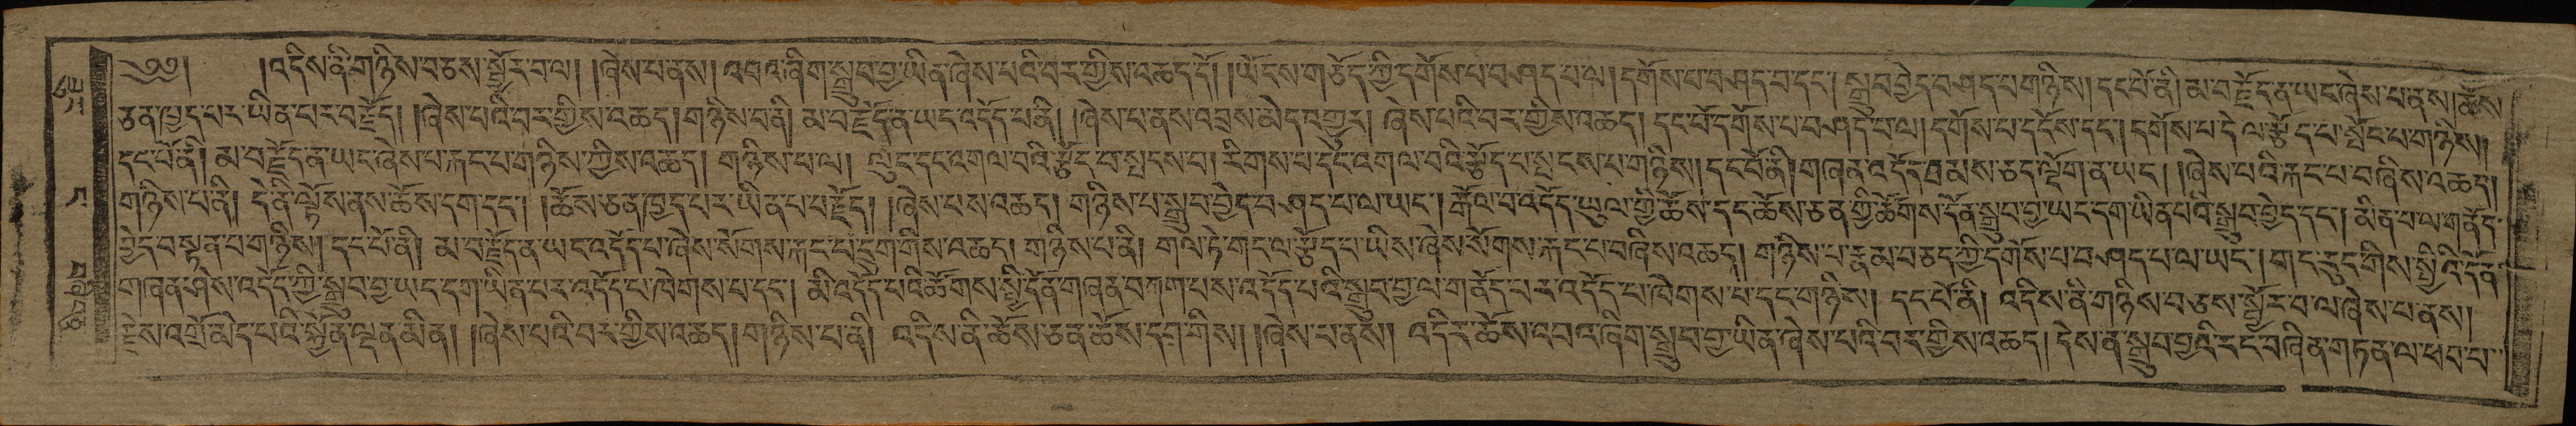༄༅། །འདིས་ནི་གཉིས་བཅས་སྦྱོར་བ་ལ། །ཞེས་པ་ནས། འབའ་ཞིག་སྒྲུབ་བྱ་ཡིན་ཞེས་པའི་བར་གྱིས་འཆད་དོ། །ཡོངས་གཅོད་ཀྱི་དགོས་པ་བཤད་པ་ལ། དགོས་པ་བཤད་པ་དང་། སྒྲུབ་བྱེད་བཤད་པ་གཉིས། དང་པོ་ནི། མ་བརྗོད་ན་ཡང་ཞེས་པ་ནས། ཆོས་
ཅན་ཁྱད་པར་ཡིན་པར་བརྗོད། །ཞེས་པའི་བར་གྱིས་འཆད། གཉིས་པ་ནི། མ་བརྗོད་ན་ཡང་འདོད་པ་ནི། །ཞེས་པ་ནས་འབྲས་མེད་འགྱུར། ཞེས་པའི་བར་གྱིས་འཆད། དང་པོ་དགོས་པ་བཤད་པ་ལ། དགོས་པ་དངོས་དང་། དགོས་པ་དེ་ལ་རྩོད་པ་སྤོང་པ་གཉིས།
དང་པོ་ནི། མ་བརྗོད་ན་ཡང་ཞེས་པ་རྐང་པ་གཉིས་ཀྱིས་འཆད། གཉིས་པ་ལ། ལུང་དང་འགལ་བའི་རྩོད་པ་སྤངས་བ། རིགས་པ་དང་འགལ་བའི་རྩོད་པ་སྤངས་པ་གཉིས། དང་པོ་ནི། གཞན་འདོད་ཐམས་ཅད་ལྡོག་ན་ཡང་། །ཞེས་པའི་རྐང་པ་བཞིས་འཆད།
གཉིས་པ་ནི། དེ་ནི་ལྟོས་ནས་ཆོས་དག་དང་། །ཆོས་ཅན་ཁྱད་པར་ཡིན་པ་བརྗོད། །ཞེས་པས་འཆད། གཉིས་པ་སྒྲུབ་བྱེད་བཤད་པ་ལ་ཡང་། རྒོལ་བ་འདོད་ཡུལ་གྱི་ཆོས་དང་ཆོས་ཅན་གྱི་ཚོགས་དོན་སྒྲུབ་བྱ་ཡང་དག་ཡིན་པའི་སྒྲུབ་བྱེད་དང་། མིན་པ་ལ་གནོད་
བྱེད་བསྟན་པ་གཉིས། དང་པོ་ནི། མ་བརྗོད་ན་ཡང་འདོད་པ་ཞེས་སོགས་རྐང་པ་དྲུག་གིས་འཆད། གཉིས་པ་ནི། གལ་ཏེ་གང་ལ་རྩོད་པ་ཡིས་ཞེས་སོགས་རྐང་པ་བཞིས་འཆད། གཉིས་པ་རྣམ་བཅད་ཀྱི་དགོས་པ་བཤད་པ་ལ་ཡང་། གང་རུང་གིས་སྤྱིའི་དོན་
གཞན་ཤེས་འདོད་ཀྱི་སྒྲུབ་བྱ་ཡང་དག་ཡིན་པར་འདོད་པ་ཁེགས་པ་དང་། མི་འདོད་པའི་ཚོགས་སྤྱི་དོན་གཞན་བཀག་པས་འདོད་པའི་སྒྲུབ་བྱ་ལ་གནོད་པར་འདོད་པ་ཁེགས་པ་དང་གཉིས། དང་པོ་ནི། འདིས་ནི་གཉིས་བཅས་སྦྱོར་བ་ལ་ཞེས་པ་ནས།
རྗེས་འགྲོ་མེད་པའི་སྐྱོན་ལྡན་མིན། །ཞེས་པའི་བར་གྱིས་འཆད། གཉིས་པ་ནི། འདིས་ནི་ཆོས་ཅན་ཆོས་དག་གིས། །ཞེས་པ་ནས། འདིར་ཆོས་འབའ་ཞིག་སྒྲུབ་བྱ་ཡིན་ཞེས་པའི་བར་གྱིས་འཆད། དེས་ན་སྒྲུབ་བྱའི་རང་བཞིན་གཏན་ལ་ཕབ་པ་